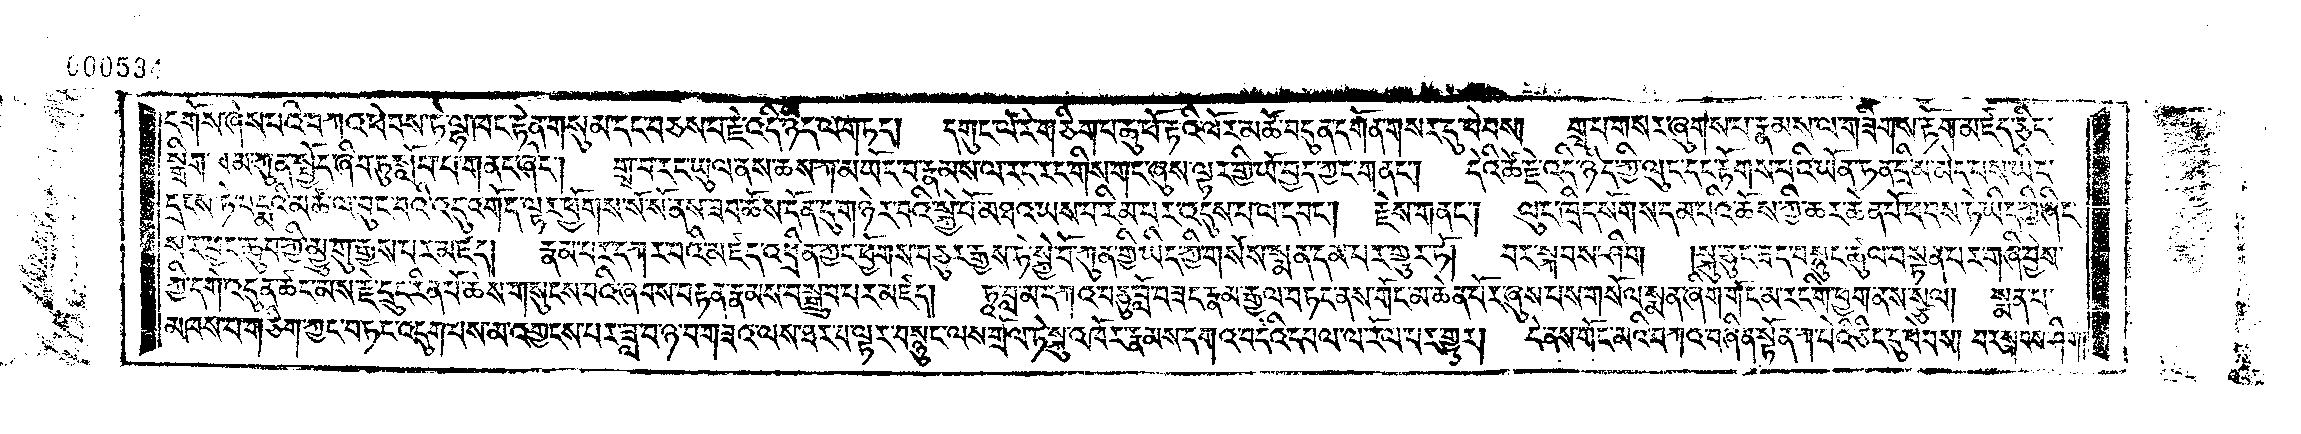དགོས་ཞེས་པའི་བཀའ་ཕེབས་ཏེ་ལྷ་ཁང་རྟེན་གསུམ་དང་བཅས་པ་རྗེ་འདི་ཉིད་ལ་གཏད། དགུང་ལོ་རེ་གཅིག་པ་ཆུ་ཕོ་རྟའི་ལོར་མཚོ་བདུན་དགོན་གསར་དུ་ཕེབས། གྲྭ་པ་གསར་ཞུགས་པ་རྣམས་ལ་གཟིགས་རྟོག་མཛད་ཅིང་
སྒྲིག་ལམ་ཀུན་སྤྱོད་ཞིབ་ཏུ་སློབ་པ་གནང་ཞིང་། གྲྭ་བ་རང་ཡུལ་ནས་ཆས་ཀ་མ་ཡོད་བ་རྣམས་ལ་རང་རང་གིས་གང་ཞུས་ལྟར་གྱི་ཡོ་བྱད་ཀྱང་གནང་། དེའི་ཚེ་རྗེ་འདི་ཉིད་ཀྱི་ལུང་དང་རྟོགས་པའི་ཡོན་ཏན་དྲི་མ་མེད་པས་ཡིད་
དྲངས་ཏེ་པདམའི་མཚོ་ལ་བུང་བའི་འདུ་འགོད་ལྟར་ཕྱོགས་སོ་སོ་ནས་ཟབ་ཆོས་དོན་དུ་གཉེར་བའི་སྐྱེ་པོ་མཐའ་ཡས་པ་རིམ་པར་འདུས་པ་ལ་དབང་། རྗེས་གནང་། ལུང་ཁྲིད་སོགས་དམ་པའི་ཆོས་ཀྱི་ཆར་ཆེན་པོ་ཕབས་ཏེ་ཡིད་ཀྱི་ཞིང་
སར་བྱང་ཆུབ་ཀྱི་མྱུ་གུ་རྒྱས་པར་མཛད། རྣམ་པར་དཀར་བའི་མཛད་འཕྲིན་ཀྱང་ཕྱོགས་བཅུར་རྒྱས་ཏེ་སྐྱེ་བོ་ཀུན་གྱི་ཡིད་ཀྱི་གསོས་སྨན་དམ་པར་གྱུར་ཏོ། བར་སྐབས་ཤིག །སྐུ་ཅུང་ཟད་བསྙུང་ཚུལ་བསྟན་པར་གཞི་བྱེས་
ཀྱི་དགེ་འདུན་ཚང་མས་རྗེ་དྲུང་རིན་པོ་ཆེས་གསུངས་པའི་ཞབས་བརྟན་རྣམས་བསྒྲུབ་པར་མཛད། ཏཱ་བླ་མ་དཀའ་བཅུ་བློ་བཟང་རྣམ་རྒྱལ་བཏང་ནས་གོང་མ་ཆེན་པོར་ཞུས་པས་གསོལ་སྨན་ཞིག་གོང་མ་རང་གི་ཕྱག་ནས་སྩལ། སྨན་པ་
མཁས་པ་གཅིག་ཀྱང་བཏང་འདུག་པས་མ་འགྱངས་པར་ཟླ་བ་ཉ་བ་གཟའ་ལས་ཐར་པ་ལྟར་བསྙུང་ལས་གྲོལ་ཏེ་སྐུ་འཁོར་རྣམས་དགའ་བདེའི་དཔལ་ལ་རོལ་པར་གྱུར། དེ་ནས་གོང་མའི་བཀའ་བཞིན་སྟོན་ཀ་པེའི་ཅིང་དུ་ཕེབས། བར་སྐབས་ཤིག།